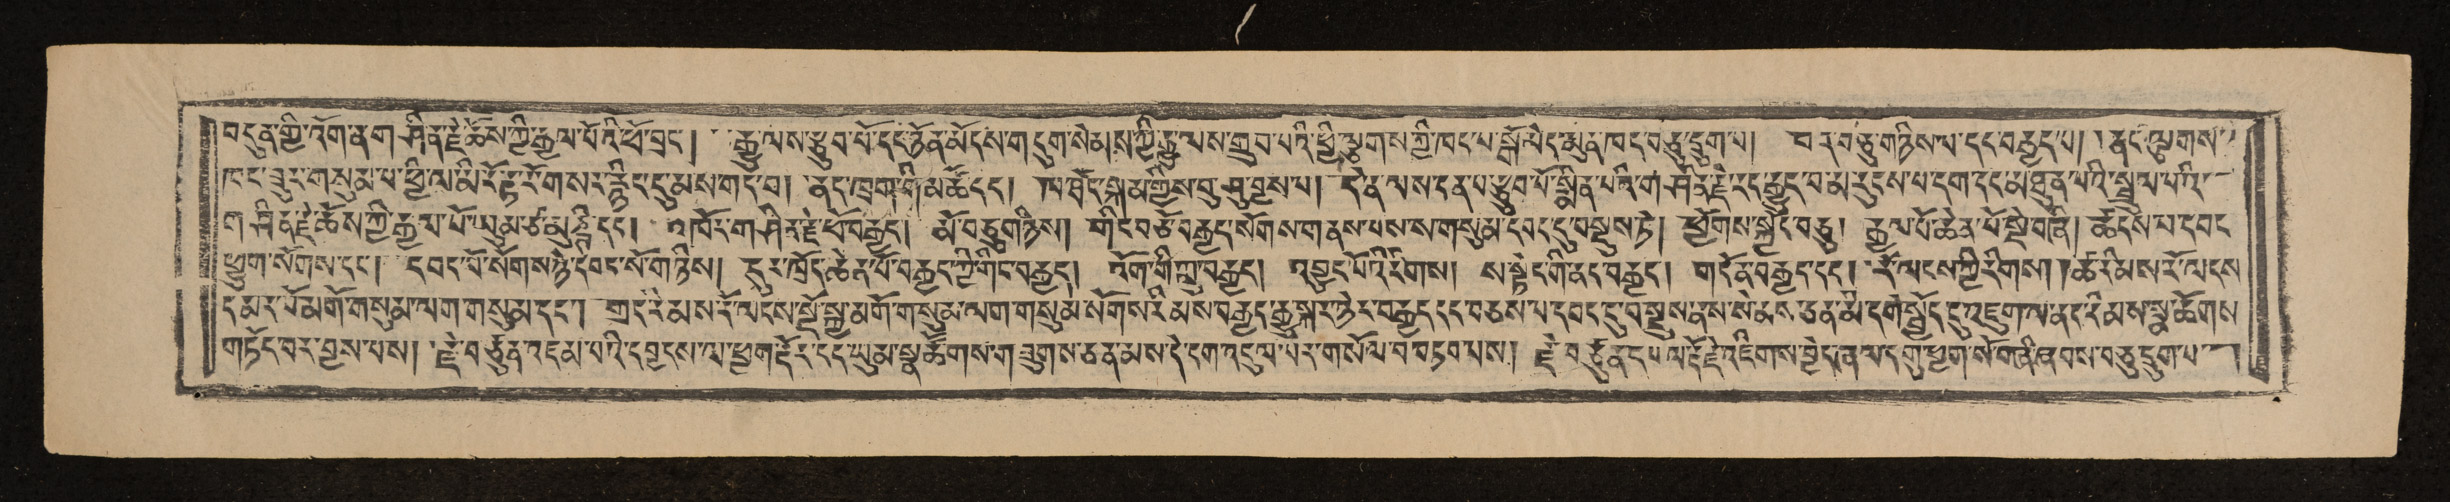བདུན་གྱི་འོག་ན་གཤིན་རྗེ་ཆོས་ཀྱི་རྒྱལ་པོའི་ཕོ་བྲང་། རྒྱུ་ལས་རྩུབ་པོ་དང་ཉོན་མོངས་གདུག་སེམས་ཀྱི་རྒྱུ་ལས་གྲུབ་པའི་ཕྱི་ལྕགས་ཀྱི་ཁང་པ་སྒོ་མེད་མུན་ཁང་བཅུ་དྲུག་པ། བར་བཅུ་གཉིས་པ་དང་བརྒྱད་པ། ནང་ལྕགས་
ཁང་ཟུར་གསུམ་པ་ཕྱི་ལ་མི་རོ་རྟ་རོ་གསར་རྙིང་དུ་མས་གང་བ། ནང་ཁྲག་གི་མཚོ་དང་། ཁ་ཐོད་སྐམ་གྱིས་བུ་ཤུ་བྱས་པ། དེ་ན་ལས་ངན་པ་རྩུབ་པོ་སྨིན་པའི་གཤིན་རྗེ་རང་རྒྱུད་པ་མ་རུངས་པ་དག་དང་མཐུན་པའི་སྤྲུལ་པའི་
གཤིན་རྗེ་ཆོས་ཀྱི་རྒྱལ་པོ་ཡུམ་ཙ་མུཎྚི་དང་། འཁོར་གཤིན་རྗེ་ཕོ་བརྒྱད། མོ་བཅུ་གཉིས། གིང་བཅོ་བརྒྱད་སོགས་གནས་པས་ས་གསུམ་དབང་དུ་བསྡུས་ཏེ། ཕྱོགས་སྐྱོང་བཅུ། རྒྱལ་པོ་ཆེན་པོ་སྡེ་བཞི། ཚངས་པ་དབང་
ཕྱུག་སོགས་དང་། དབང་པོ་སོགས་ཉེ་དབང་སོ་གཉིས། དུར་ཁྲོད་ཆེན་པོ་བརྒྱད་ཀྱི་གིང་བརྒྱད། འོག་གི་ཀླུ་བརྒྱད། འབྱུང་པོའི་རིགས། ས་སྟེང་གི་ནད་བརྒྱད། གདོན་བརྒྱད་དང་། རོ་ལངས་ཀྱི་རིགས། ཚ་རིམས་རོ་ལངས་
དམར་པོ་མགོ་གསུམ་ལག་གསུམ་དང་། གྲང་རིམས་རོ་ལངས་སྔོ་སྐྱ་མགོ་གསུམ་ལག་གསུམ་སོགས་རིམས་བརྒྱད་རྒྱུ་སྐར་ཉེར་བརྒྱད་དང་བཅས་པ་དབང་དུ་བསྡུས་ནས་སེམས་ཅན་མི་དགེ་སྤྱོད་དུ་འཇུག་ལ་ནད་རིམས་སྣ་ཚོགས་
གཏོང་བར་བྱས་པས། རྗེ་བཙུན་འཇམ་པའི་དབྱངས་ལ་ཕྱག་རྡོར་དང་ཡུམ་སྣ་ཚོགས་གཟུགས་ཅན་མས་དེ་དག་འདུལ་བར་གསོལ་བ་བཏབ་པས། རྗེ་བཙུན་དཔལ་རྡོ་རྗེ་འཇིགས་བྱེད་ཞལ་དགུ་ཕྱག་སོ་བཞི་ཞབས་བཅུ་དྲུག་པ་